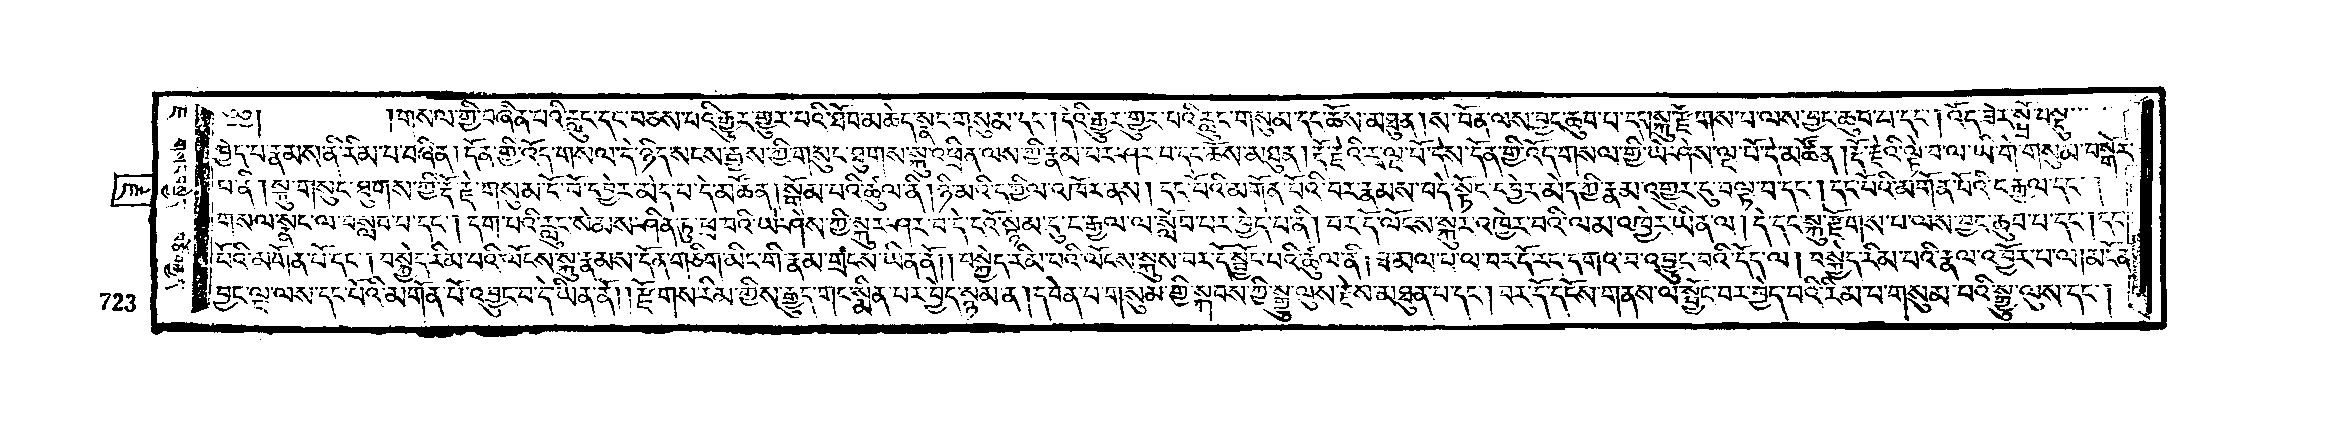༄༅། །གསལ་གྱི་བཞིན་པའི་རླུང་དང་བཅས་པའི་རྒྱུར་གྱུར་པའི་ཐོབ་མཆེད་སྣང་གསུམ་དང་། དེའི་རྒྱུར་གྱུར་པའི་རླུང་གསུམ་དང་ཆོས་མཐུན། ས་བོན་ལས་བྱང་ཆུབ་པ་དང་། སྐུ་རྫོགས་པ་ལས་བྱང་ཆུབ་པ་དང་། འོད་ཟེར་སྤྲོ་བསྡུ་
བྱེད་པ་རྣམས་ནི་རིམ་པ་བཞིན། དོན་གྱི་འོད་གསལ་དེ་ཉིད་སངས་རྒྱས་ཀྱི་གསུང་ཐུགས་སྐུ་འཕྲིན་ལས་ཀྱི་རྣམ་པར་ཤར་བ་དང་ཆོས་མཐུན། རྡོ་རྗེའི་རྭ་ལྔ་པོ་དེས་དོན་གྱི་འོད་གསལ་གྱི་ཡེ་ཤེས་ལྔ་པོ་དེ་མཚོན། རྡོ་རྗེའི་ལྟེ་བ་ལ་ཡི་གེ་གསུམ་བསྒོམ་
པ་ནི། སྐུ་གསུང་ཐུགས་ཀྱི་རྡོ་རྗེ་གསུམ་ངོ་བོ་དབྱེར་མེད་པ་དེ་མཚོན། སྒོམ་པའི་ཚུལ་ནི། ཉི་མའི་དཀྱིལ་འཁོར་ནས། དང་པོའི་མགོན་པོའི་བར་རྣམས་བདེ་སྟོང་དབྱེར་མེད་ཀྱི་རྣམ་འགྱུར་དུ་བལྟ་བ་དང་། དང་པོའི་མགོན་པོའི་ང་རྒྱལ་དང་།
གསལ་སྣང་ལ་བསླབ་པ་དང་། དག་པའི་རླུང་སེམས་ཤིན་ཏུ་ཕྲ་བའི་ཡེ་ཤེས་ཀྱི་སྐུར་ཤར་བ་དེ་ངའོ་སྙམ་དུ་ང་རྒྱལ་ལ་སློབ་པར་བྱེད་པ་ནི། བར་དོ་ལོངས་སྐུར་འཁྱེར་བའི་ལམ་འཁྱེར་ཡིན་ལ། དེ་དང་སྐུ་རྫོགས་པ་ལས་བྱང་ཆུབ་པ་དང་། དང་
པོའི་མགོན་པོ་དང་། བསྐྱེད་རིམ་པའི་ལོངས་སྐུ་རྣམས་དོན་གཅིག་མིང་གི་རྣམ་གྲངས་ཡིན་ནོ། །བསྐྱེད་རིམ་པའི་ལོངས་སྐུས་བར་དོ་སྦྱོང་བའི་ཚུལ་ནི། ཐ་མལ་པ་ལ་བར་དོ་རང་དགའ་བ་འབྱུང་བའི་དོད་ལ། བསྐྱེད་རིམ་པའི་རྣལ་འབྱོར་པ་ལ། མངོན་
བྱང་ལྔ་ལས་དང་པོའི་མགོན་པོ་འབྱུང་བ་དེ་ཡིན་ནོ། །རྫོགས་རིམ་གྱིས་རྒྱུད་གང་སྨིན་པར་བྱེད་སྙམ་ན། དབེན་པ་གསུམ་གྱི་སྐབས་ཀྱི་སྒྱུ་ལུས་རྗེས་མཐུན་པ་དང་། བར་དོ་དངོས་གནས་ལ་སྦྱོང་བར་བྱེད་པའི་རིམ་པ་གསུམ་པའི་སྒྱུ་ལུས་དང་།